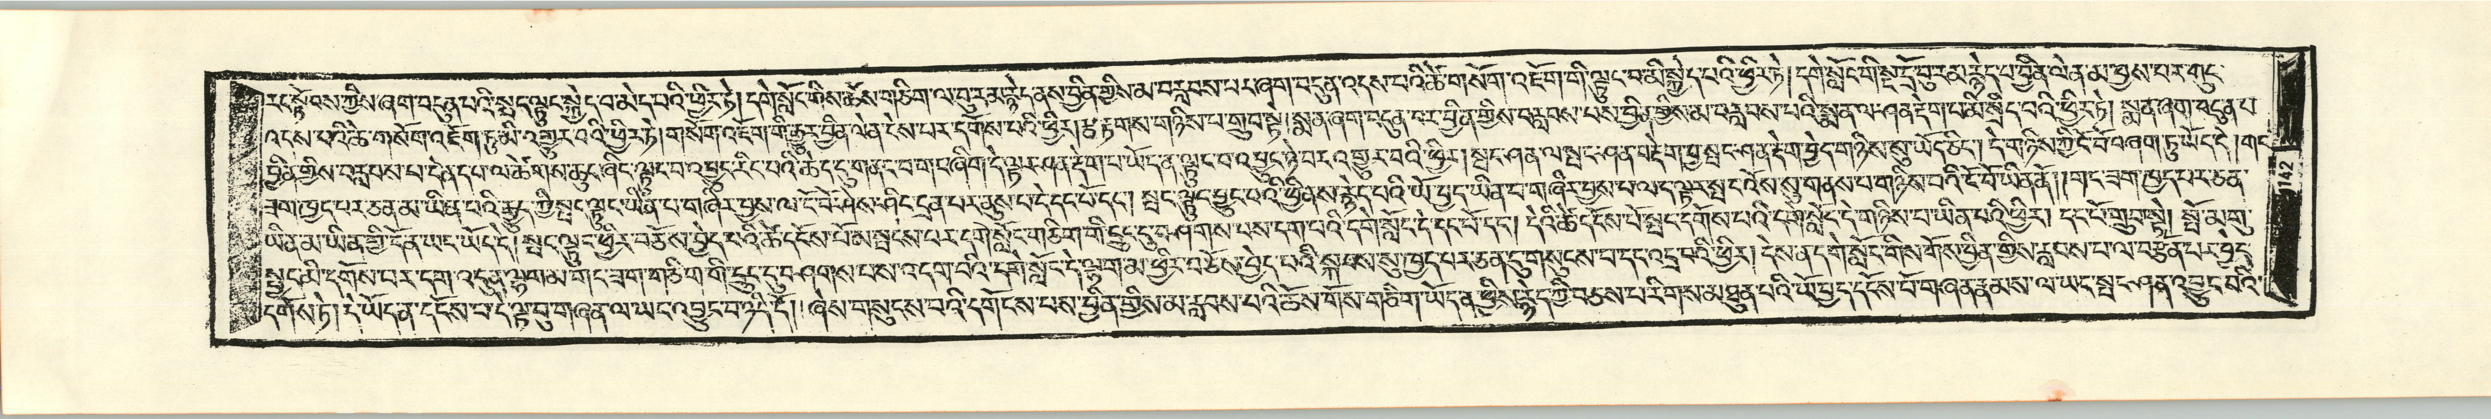རང་སྟོབས་ཀྱིས་ཞག་བདུན་པའི་སྤད་ལྟུང་སྐྱེད་པ་མེད་པའི་ཕྱིར་ཏེ། དགེ་སློང་གིས་ཆོས་གཅིག་ལ་བུ་རམ་རྙེད་ནས་བྱིན་གྱིས་མ་བརླབས་པར་ཞག་བདུན་འདས་པའི་ཚེ་གསོག་འཇོག་གི་ལྟུང་བ་མི་སྐྱེད་པའི་ཕྱིར་ཏེ། དགེ་སློང་གི་སྔ་དྲོ་བུ་རམ་རྙེད་པ་བྱིན་ལེན་མ་བྱས་པར་གུང་
འདས་པའི་ཆེ་གསོག་འཇོག་ཏུ་མི་འགྱུར་བའི་ཕྱིར་ཏེ། གསོག་འཇོག་གི་རྒྱུར་བྱིན་ལེན་ངེས་པར་དགོས་པའི་ཕྱིར། རྩ་རྟགས་གཉིས་པ་གྲུབ་སྟེ། སྨན་ཞག་བདུན་པར་བྱིན་གྱིས་བརླབས་པས་བྱིན་གྱིས་མ་བརླབས་པའི་སྨན་ལ་ཤན་རྡེག་པ་མི་སྲིད་པའི་ཕྱིར་ཏེ། སྨན་ཞག་བདུན་པ་
བྱིན་གྱིས་བརླབས་པ་དེ་ནད་པ་ལ་ཚེགས་ཆུང་ཞིང་ལྟུང་བ་འབྱུང་རིང་བའི་ཆེད་དུ་གནང་བ་གང་ཞིག་དེ་ལྟར་ཤན་རྡེག་པ་ཡོད་ན་ལྟུང་བ་འབྱུང་ཉེ་བར་འགྱུར་བའི་ཕྱིར། སྤང་ཤན་ལ་སྤང་ཤན་བརྡེག་བྱ་སྤང་ཤན་རྡེག་བྱེད་གཉིས་སུ་ཡོད་ཅིང་། དེ་གཉིས་ཀྱི་ངོ་བོ་བཞག་ཏུ་ཡོད་དེ། གང་
ཟག་ཁྱད་པར་ཅན་མ་ཡིན་པའི་རྒྱུད་ཀྱི་སྤང་ལྟུང་ཡིན་པ་གཞིར་བྱས་ལ་ངོ་བོ་ཤེས་ཤིང་དྲན་པར་ནུས་པ་དེ་དང་པོ་དང་། སྤང་ལྟུང་བྱུང་བའི་ཕྱི་ནས་རྙེད་པའི་ཡོ་བྱད་ཡིན་པ་གཞིར་བྱས་པ་ལ་ད་ལྟར་སྤང་འོས་སུ་གནས་པ་གཉིས་པའི་ངོ་བོ་ཡིན་ནོ། །གང་ཟག་ཁྱད་པར་ཅན་
ཡིན་མ་ཡིན་གྱི་དོན་ཡང་ཡོད་དེ། སྤང་ལྟུང་ཕྱིར་བཅོས་བྱེད་པའི་ཚེ་དངོས་པོ་མ་སྤངས་པར་དགེ་སློང་གཅིག་གི་དྲུང་དུ་བཤགས་པས་དག་པའི་དགེ་སློང་དེ་དང་པོ་དང་། དེའི་ཚེ་དངོས་པོ་སྤང་དགོས་པའི་དགེ་སློང་དེ་གཉིས་པ་ཡིན་པའི་ཕྱིར། དང་པོ་གྲུབ་སྟེ། སྤོ་མགུ་
སྤྱད་མི་དགོས་པར་དག་འདུན་ལྷག་མ་གང་ཟག་གཅིག་གི་དྲུང་དུ་བཤགས་པས་འདག་པའི་དགེ་སློང་དེ་ལྷག་མ་ཕྱིར་བཅོས་བྱེད་པའི་སྐབས་སུ་ཁྱད་པར་ཅན་དུ་གསུངས་པ་དང་འདྲ་བའི་ཕྱིར། དེས་ན་དགེ་སློང་གིས་གོས་བྱིན་གྱིས་རླབས་པ་ལ་བརྩོན་པར་བྱེད་
དགོས་ཏེ། དེ་ཡོད་ན་དངོས་པ་དེ་ལྟ་བུ་གཞན་ལ་ཡང་འབྱུང་བ་ཉིད་དོ། །ཞེས་གསུངས་པའི་དགོངས་པས་བྱིན་གྱིས་མ་རླབས་པའི་ཆོས་གོས་གཅིག་ཡོད་ན་ཕྱིས་རྙེད་ཀྱི་བཅས་པ་རིགས་མཐུན་པའི་ཡོད་བྱད་དངོས་པོ་གཞན་རྣམས་ལ་ཡང་སྤང་ཤན་འབྱུང་བའི་